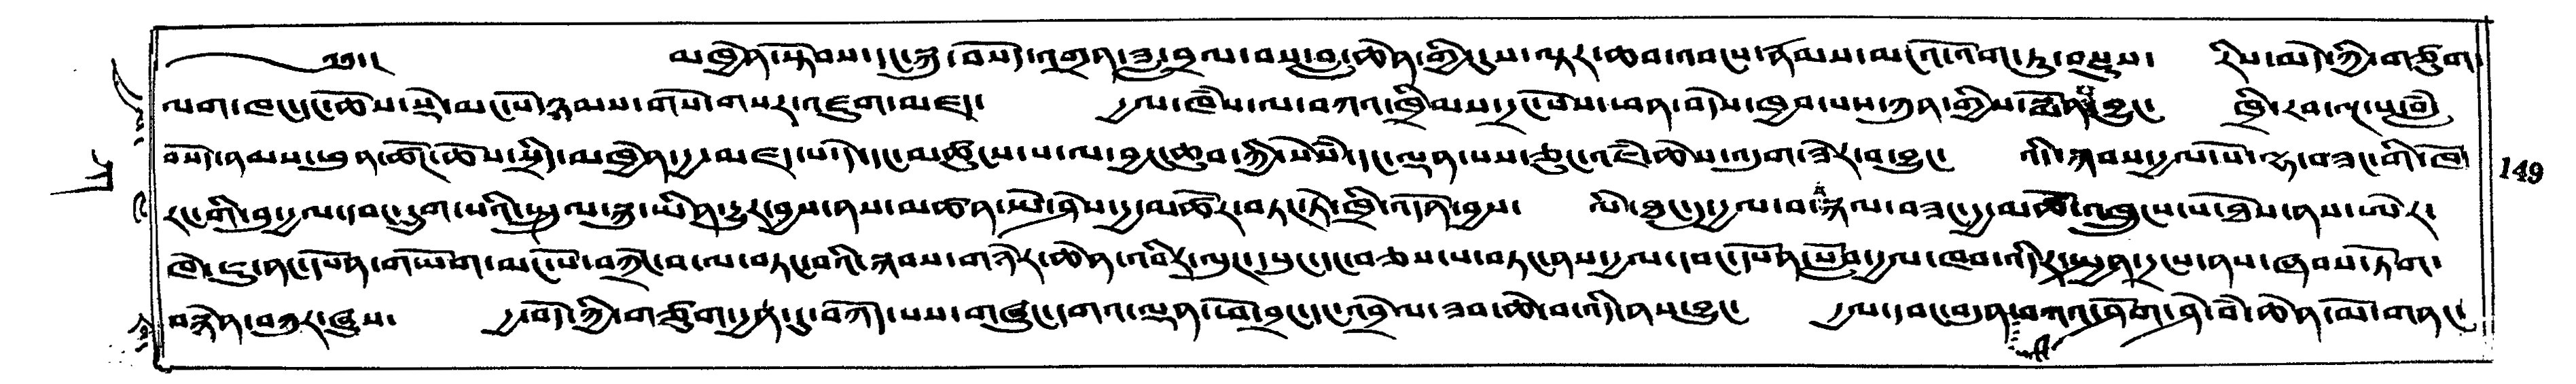མཁྱེན་སྟོབས་དང་སྐུ་བསོད་འགྲན་ཟླ་བྲལ་བས་བླ་ཆེན་གྱི་དུས་ལྟར་ཆབ་འབངས་རྣམས་མངའ་འོག་ཏུ་བསྡུས།རིས་མེད་ཀྱི་གཙུག་
ལག་ཁང་དང་ཆོས་སྡེ་མང་པོ་ཉམས་གསོ་གསར་འཛུགས་མཛད། རྒྱལ་ཁམས་ལ་བཀའ་ཁྲིམས་དྲང་པོས་ཕན་བདེས་ཁྱབ་པས་ཀུན་གྱིས་སྨོན་པ་བྱུང་། ཁྲི་རབས་ལྔ་པ་བླ་མ་
བསོད་ནམས་ཕུན་ཚོགས་ཆོས་སྲིད་མཁྱེན་རྒྱ་མཛད་པ་དེ་དང་མཚུངས་པ་ལ་བྱང་ཆུབ་ཀྱི་སེམས་དང་ལྡན་པས་ཅུང་འཇམ་ཆེས་འདུག་ཟེར་བ་བྱུང་། འདི་སྐབས་རྒྱལ་པོ་ལྷ་བཟང་གིས་ཁོ་
རང་གི་བུ་རྒྱལ་དབང་དྲུག་པའི་སྤྲུལ་སྐུ་ཡིན་རྒྱུར་བྱས་ནས་མཚན་ཡེ་ཤེས་རྒྱ་མཚོར་བཏགས་ཏེ་ཁྲི་འདོན་བྱས། ལི་ཐང་དུ་རྒྱལ་བ་བསྐལ་བཟང་རྒྱ་མཚོ་འཁྲུངས་པ་ཐོས་ནས་ཨེར་
ཁེ་ཇུ་ནང་དཔོན་གཡོག་མང་པོ་བཀྲོང་བ་ལ་བཏང་བའི་སྐབས་གཉེར་ཆེན་འབིར་ལུགས་དཔུང་དང་བཅས་པ་བཏང་ནས་རྒྱལ་དབང་དཔོན་སློབ་རྒྱལ་ཁབ་འདིར་སྤྱན་དྲངས་ནས་ཞབས་ཏོག་
བསྙེན་བཀུར་ཞུས། རྒྱ་བོད་ཀྱི་གཙུག་རྒྱན་དུ་བཀོད་པས་གཞུང་དགའ་ལྡན་ཕོ་བྲང་དང་འབྲེལ་ཟབ་ཆེ་བ་འདི་ནས་བྱུང་། རྒྱལ་དབང་བདུན་པའི་བཀའ་ཤོག་ཤེ་བམ་ཆེན་མོ་གནང་